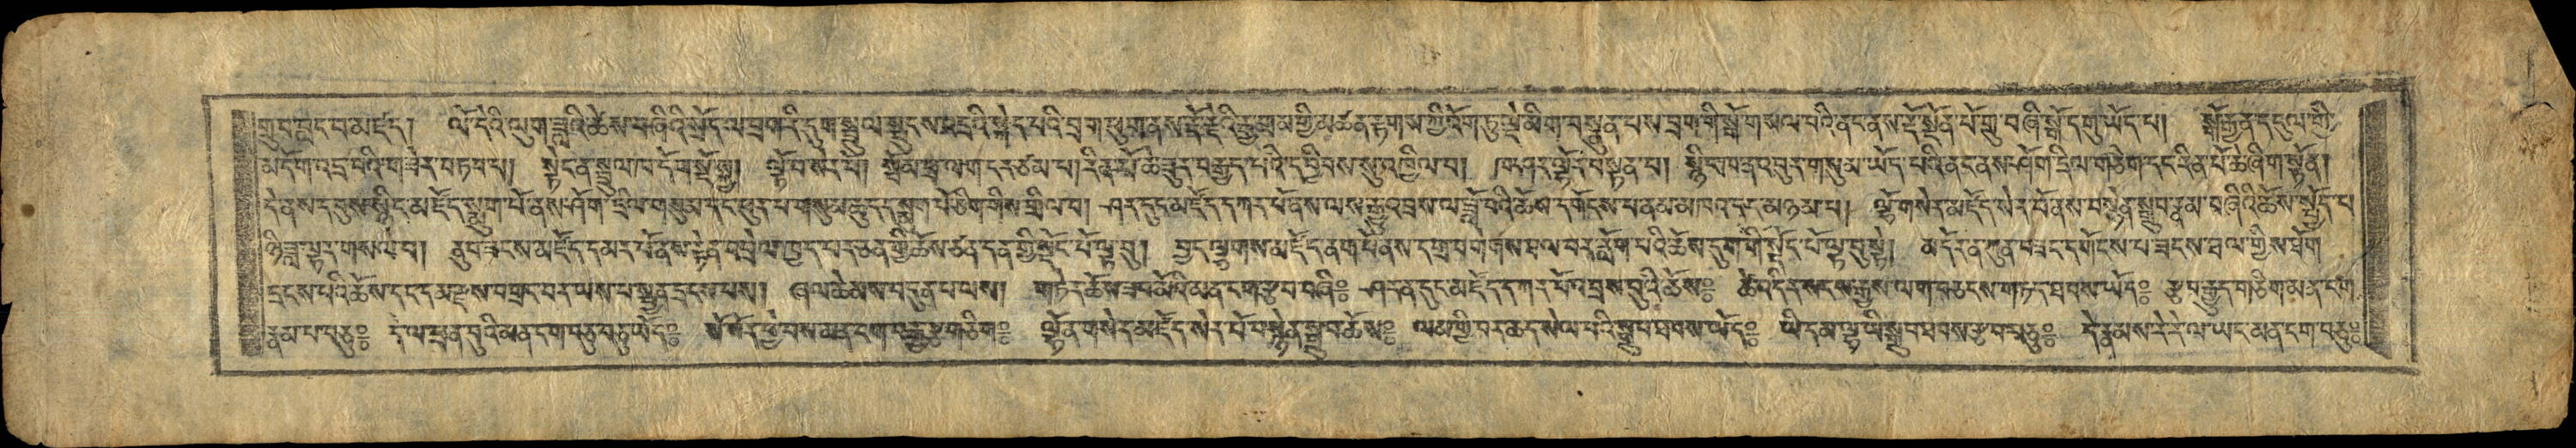གྲུབ་བླང་བ་མཇད། ལོ་ངེའི་ལུག་ཟླའི་ཚེས་བཞིའི་སྲོད་ལ་བྲག་རི་དུག་སྤྲུལ་སྤུངས་འདྲའི་སྐེད་པའི་བྲག་ཕུག་ནས་རྡོ་རྗེའི་རྒྱ་གྲམ་གྱི་མཚན་རྟགས་ཀྱི་འོག་ཏུ་ལྡེ་མིག་བསྣུན་པས་བྲག་གི་སྒོ་གསལ་བའི་ནང་ནས་རྡོ་སྔོན་པོ་གྲུ་བཞི་སྒོ་དགུ་ཡོད་པ། སྒོ་རྒྱན་དངུལ་གྱི་
མདོག་འདྲ་བའི་གཟེར་བཏབ་པ། སྟེང་ན་སྤྲུལ་ཁ་དོག་སྔོ་སྐྱ། ལྟོ་བ་སེར་པོ། སྦོམ་ཕྲ་ལས་ངར་ཙམ་པ། རིན་པོ་ཆེ་ཟུར་བརྒྱད་པའི་དབྱིབས་སུ་འཁྱིལ་བ། ཁ་ཤར་ལྷོར་བསྟན་པ། སྙིང་ཁ་ན་འབུར་གསུམ་ཡོད་པའི་ནང་ནས་ཤོག་དྲིལ་གཅིག་དང་རིན་པོ་ཆེ་ཞིག་སྟོན།
དེ་ནས་དབུས་སྙིང་མཛོད་སྨུག་པོ་ནས་ཤོག་དྲིལ་གསུམ་དང་ཕུར་པ་གསུམ་ཆུ་དར་སྨུག་པོ་ཅིག་གིས་གྲིལ་བ། ཤར་དུང་མཛོད་དཀར་པོ་ནས་ལས་རྒྱུ་འབྲས་ལ་ཟློ་བའི་ཆོས་དགོངས་པ་ནམ་མཁའ་དང་མཉམ་པ། ལྷོ་གསེར་མཛོད་སེར་པོ་ནས་བསྙེན་སྒྲུབ་རྣམ་བཞིའི་ཆོས་སྤྱོད་པ་
ཉི་ཟླ་ལྟར་གསལ་བ། ནུབ་ཟངས་མཛོད་དམར་པོ་ནས་རྟེན་འབྲེལ་ཁྱད་པར་ཅན་གྱི་ཆོས་ཙན་དན་གྱི་སྡོང་པོ་ལྟ་བུ། བྱང་ལྕགས་མཛོད་ནག་པོ་ནས་དགྲ་བགེགས་ཐལ་བར་རློག་པའི་ཆོས་དུག་གི་སྡོང་པོ་ལྟ་བུ་སྟེ། མདོར་ན་ཀུན་བཟང་དགོངས་པ་ཟངས་ཐལ་གྱིས་ཐོག་
དྲངས་པའི་ཆོས་དང་དམ་རྫས་བགྲང་བར་ཡས་པ་སྤྱན་དྲངས་པས། ཞལ་ཆེམས་བདུན་པ་ལས། གཏེར་ཆོས་ཟབ་མོའི་མན་ངག་རྩ་བ་བཞིཿ་ཤར་ན་དུང་མཛོད་དཀར་པོ་འབྲས་བུའི་ཆོསཿ་ཚེ་འདིར་སངས་རྒྱས་ལག་བཅངས་གཏད་ཐབས་ཡོདཿ་རྩ་བ་རྒྱུད་གཅིག་མན་ངག་
རྣམ་པ་བཅུཿ་ད་ལ་ཕྲན་བུའི་མན་ངག་བཅུ་བཅུ་ཡོདཿ་སོ་སོར་ཕྱེ་བས་མན་ངག་བརྒྱ་རྩ་གཅིགཿ་ལྷོན་གསེར་མཛོད་སེར་པོ་བསྙེན་སྒྲུབ་ཆོསཿ་ལམ་གྱི་བར་ཆད་སེལ་བའི་སྒྲུབ་ཐབས་ཡོདཿ་ཡི་དམ་ལྷ་ཡི་སྒྲུབ་ཐབས་རྩ་བ་བཅུཿ་དེ་རྣམས་རེ་རེ་ལ་ཡང་མན་ངག་བཅུཿ